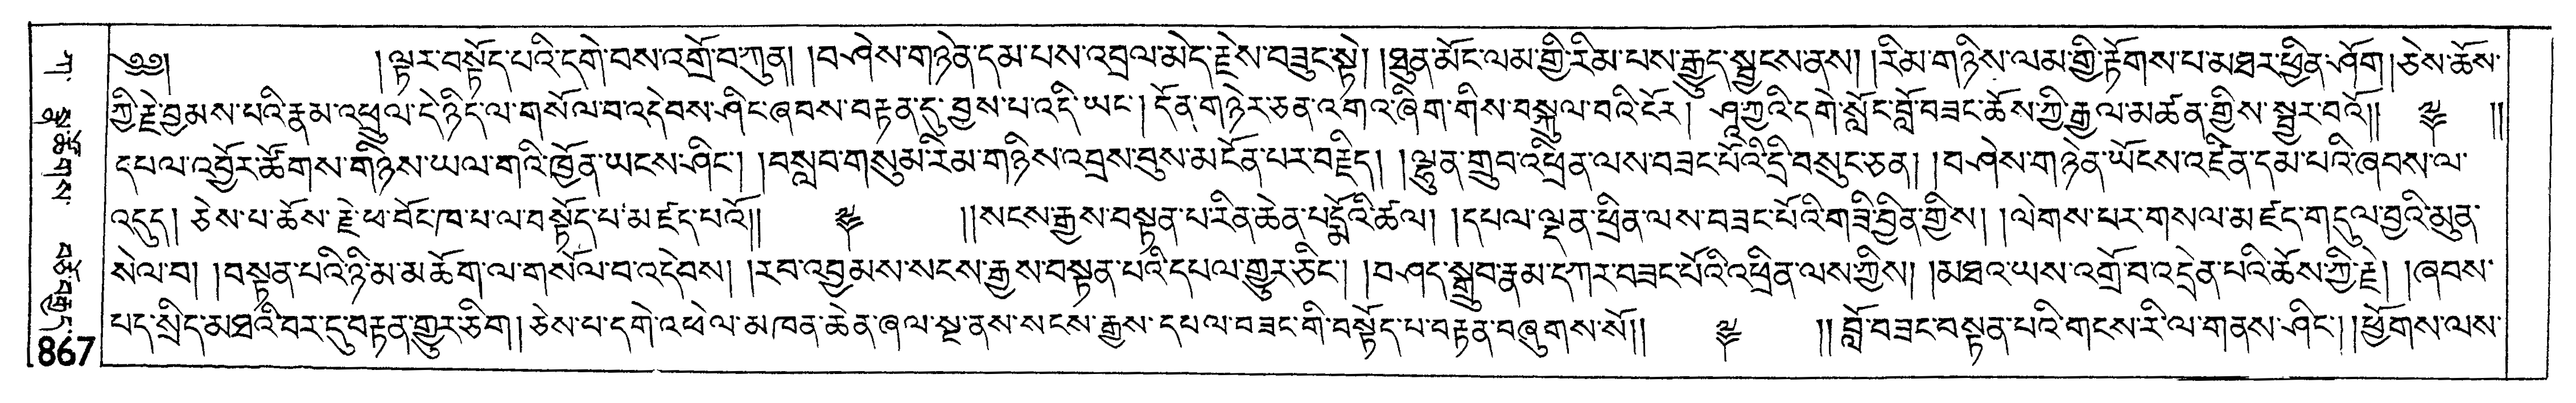༄༅། །ལྟར་བསྟོད་པའི་དགེ་བས་འགྲོ་བ་ཀུན། །བཤེས་གཉེན་དམ་པས་འབྲལ་མེད་རྗེས་བཟུང་སྟེ། །ཐུན་མོང་ལམ་གྱི་རིམ་པས་རྒྱུད་སྦྱངས་ནས། །རིམ་གཉིས་ལམ་གྱི་རྟོགས་པ་མཐར་ཕྱིན་ཤོག །ཅེས་ཆོས་
ཀྱི་རྗེ་བྱམས་པའི་རྣམ་འཕྲུལ་དེ་ཉིད་ལ་གསོལ་བ་འདེབས་ཤིང་ཞབས་བརྟན་དུ་བྱས་པ་འདི་ཡང་། །དོན་གཉེར་ཅན་འགའ་ཞིག་གིས་བསྐུལ་བའི་ངོར། ཤཱཀྱའི་དགེ་སློང་བློ་བཟང་ཆོས་ཀྱི་རྒྱལ་མཚན་གྱིས་སྦྱར་བའོ།། ༈ །།
དཔལ་འབྱོར་ཚོགས་གཉིས་ཡལ་གའི་ཁྱོན་ཡངས་ཤིང་། །བསླབ་གསུམ་རིམ་གཉིས་འབྲས་བུས་མངོན་པར་བརྗིད། །ལྷུན་གྲུབ་འཕྲིན་ལས་བཟང་པོའི་དྲི་བསུང་ཅན། །བཤེས་གཉེན་ཡོངས་འཛིན་དམ་པའི་ཞབས་ལ་
འདུད། །ཅེས་པ་ཆོས་རྗེ་ཕ་བོང་ཁ་པ་ལ་བསྟོད་པ་མཛད་པའོ།། ༈ །།སངས་རྒྱས་བསྟན་པ་རིན་ཆེན་པདམོའི་ཚལ། །དཔལ་ལྡན་ཕྲིན་ལས་བཟང་པོའི་གཟི་བྱིན་གྱིས། །ལེགས་པར་གསལ་མཛད་གདུལ་བྱའི་མུན་
སེལ་བ། །བསྟན་པའི་ཉི་མ་མཆོག་ལ་གསོལ་བ་འདེབས། །རབ་འབྱམས་སངས་རྒྱས་བསྟན་པའི་དཔལ་གྱུར་ཅིང་། །བཤད་སྒྲུབ་རྣམ་དཀར་བཟང་པོའི་འཕྲིན་ལས་ཀྱིས། །མཐའ་ཡས་འགྲོ་བ་འདྲེན་པའི་ཆོས་ཀྱི་རྗེ། །ཞབས་
པད་སྲིད་མཐའི་བར་དུ་བརྟན་གྱུར་ཅིག་།ཅེས་པ་དགེ་འཕེལ་མཁན་ཆེན་ཞལ་སྔ་ནས་སངས་རྒྱས་དཔལ་བཟང་གི་བསྟོད་པ་བརྟན་བཞུགས་སོ།།  ༈ །།བློ་བཟང་བསྟན་པའི་གངས་རི་ལ་གནས་ཤིང་། །ཕྱོགས་ལས་